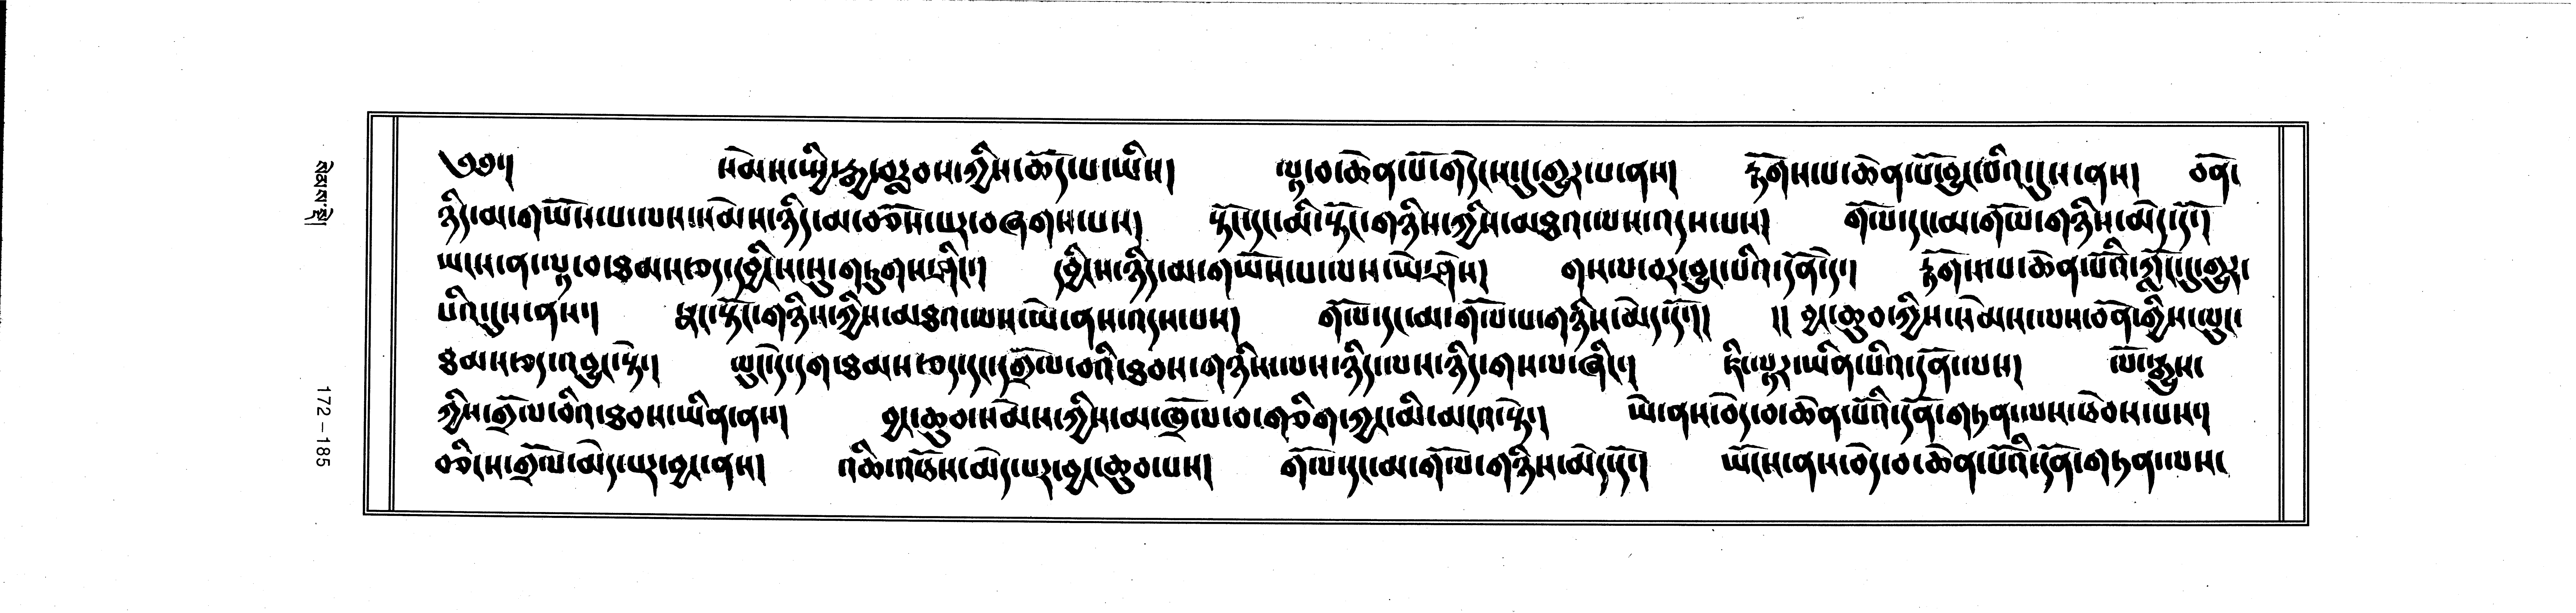སྤྱི་རྒྱ་བརླབས་ཀྱིས་ཆོད་པ་ཡིས། ལྟ་བ་ཆེན་པོ་གདེང་དུ་གྱུར་པ་ནས། རྟོགས་པ་ཆེན་པོ་བྱུང་པའི་དུས་ནས། བོན་
ཉིད་མ་གཡོས་པ་ལས་སེམས་ཉིད་མ་བཅོས་པར་བཞགས་པས། སྟོང་དང་མི་སྟོང་གཉིས་ཀྱིས་མཐའ་ལས་འདས་པས། གོལ་དང་མ་གོལ་གཉིས་མེད་དོ། 
ཡང་ན་ལྟ་བ་ཐམས་ཅད་དབྱིངས་སུ་གཏུགས་ཤིང་། དབྱིངས་ཉིད་མ་ཡོས་པ་ལས་ཡེ་ཤེས། གསལ་བར་བྱུང་པའི་དོན་དེ། རྟོགས་པ་ཆེན་པོའི་ཀློང་དུ་གྱུར་
པའི་དུས་ནས། སྣང་སྟོང་གཉིས་ཀྱིས་མཐའ་ལས་ཡེ་ནས་འདས་པས། གོལ་དང་མ་གོལ་པ་གཉིས་མེད་དོ། བྱང་ཆུབ་ཀྱིས་སེམས་ལས་བོན་གྱིས་ལུང་
ཐམས་ཅད་འབྱུང་སྟེ། ལུང་དེ་དག་ཐམས་ཅད་དང་གྲོལ་བའི་ཐབས་ཉིད་ལས་ཉིད་གསལ་ཞིང་། ཇི་ལྟར་ཡིན་པའི་དོན་ལས། ལོ་སྒྱུས་
ཀྱི་གྲོལ་བའི་ཐབས་ཡིན་ནས། བྱང་ཆུབ་ཀྱིས་མ་ཁྲོལ་བ་གཅིག་ཀྱང་མི་མངའ་སྟེ། ཡེ་ནས་བདེ་བ་ཆེན་པོའི་དོན་གཏན་ལས་ཕེབས་པས། 
བཅིངས་གྲོལ་མེད་པར་བྱང་ནས། འཆི་འཕོས་མེད་པར་བྱང་ཆུབ་པས། གོལ་དང་མ་གོལ་གཉིས་མེད་དོ། ཡངས་ནས་བདེ་བ་ཆེན་པོའི་དོན་གཏན་ལས་